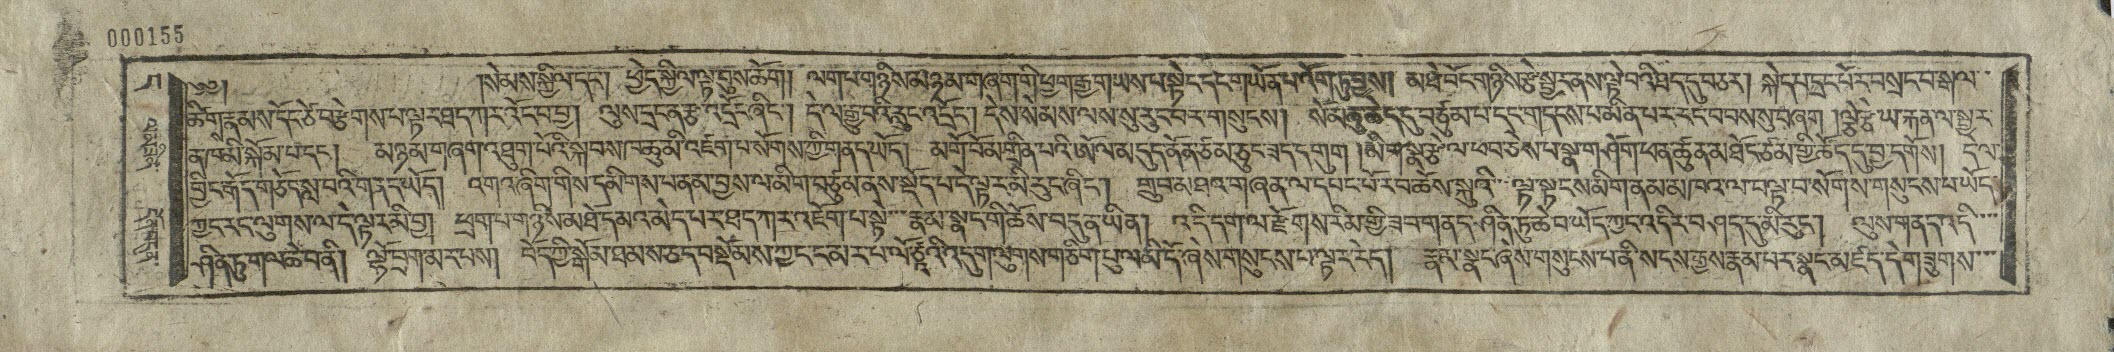༄༅། །སེམས་སྐྱིལ་དང་། ཕྱེད་སྐྱིལ་ལྟ་བུས་ཆོག །ལག་པ་གཉིས་མཉམ་གཞག་གི་ཕྱག་རྒྱ་གཡས་པ་སྟེང་དང་གཡོན་པ་འོག་ཏུ་བྱས། མཐེ་བོང་གཉིས་རྩེ་སྦྱར་ནས་ལྟེ་བའི་ཐད་དུ་བཅར། སྐེད་པ་དྲང་པོར་བསྲང་བ་སྒལ་
ཚིག་རྣམས་དོང་ཙེ་བརྩེགས་པ་ལྟར་ཐད་ཀར་འོང་བ་བྱ། ལུས་དྲང་ན་རྩ་འདྲོང་ཞིང་། དེ་ལ་རྒྱུ་བའི་རླུང་འདྲོང་།དེས་སེམས་ལས་སུ་རུང་བར་གསུངས། སོ་མཆུ་ཆེད་དུ་བཙུམ་པ་དང་གདངས་པ་མིན་པར་རང་བབས་སུ་བཞག །ལྕེ་རྩེ་ཡ་རྐན་ལ་སྦྱར་
ན་ཁ་མི་སྐོམ་པ་དང་། མཉམ་གཞག་འཐུག་པོའི་སྐབས་ཁ་ཆུ་མི་འཛག་པ་སོགས་ཀྱི་གནད་ཡོད། མགོ་བོ་མགྲིན་པའི་ཨོལ་མདུད་ནོན་ཙམ་ཅུང་ཟད་དགུག །མིག་སྣ་རྩེ་ལ་ཕབ་ཅེས་པ་སྣ་གཤོག་ཕན་ཚུན་མཐོང་ཙམ་གྱི་ཚོད་དུ་བྱ་དགོས། དེ་ལ་
བྱིང་རྒོད་གཅོད་སླ་བའི་གནད་ཡོད། འགའ་ཞིག་གིས་དམིགས་པ་ནམ་བྱས་ལ་མིག་བཙུམ་ནས་སྡོད་པ་དེ་ལྟར་མི་རུང་ཞིང་། གྲུབ་མཐའ་གཞན་ལ་དབང་པོ་རབ་ཆོས་སྐུའི་ལྟ་སྟངས་མིག་ནམ་མཁའ་ལ་བལྟ་བ་སོགས་གསུངས་པ་ཡོད་
ཀྱང་རང་ལུགས་ལ་དེ་ལྟར་མི་བྱ། ཕྲག་པ་གཉིས་མཐོ་དམའ་མེད་པར་ཐད་ཀར་འཇོག་པ་སྟེ་རྣམ་སྣང་གི་ཆོས་བདུན་ཡིན། འདི་དག་ལ་རྫོགས་རིམ་གྱི་ཟབ་གནད་ཤིན་ཏུ་ཆེ་བ་ཡོད་ཀྱང་འདིར་བཤད་དུ་མི་རུང་། ལུས་གནད་འདི་
ཤིན་ཏུ་གལ་ཆེ་བ་ནི། ལྷོ་བྲག་མར་པས། བོད་ཀྱི་སྒོམ་ཐམས་ཅད་བསྡོམས་ཀྱང་ང་མར་པ་ལོ་ཙཱའི་འདུག་ལུགས་གཅིག་པུ་ལ་མི་དོ་ཞེས་གསུངས་པ་ལྟར་རེད། རྣམ་སྣང་ཞེས་གསུངས་པ་ནི་སངས་རྒྱས་རྣམ་པར་སྣང་མཛད་དེ་གཟུགས་